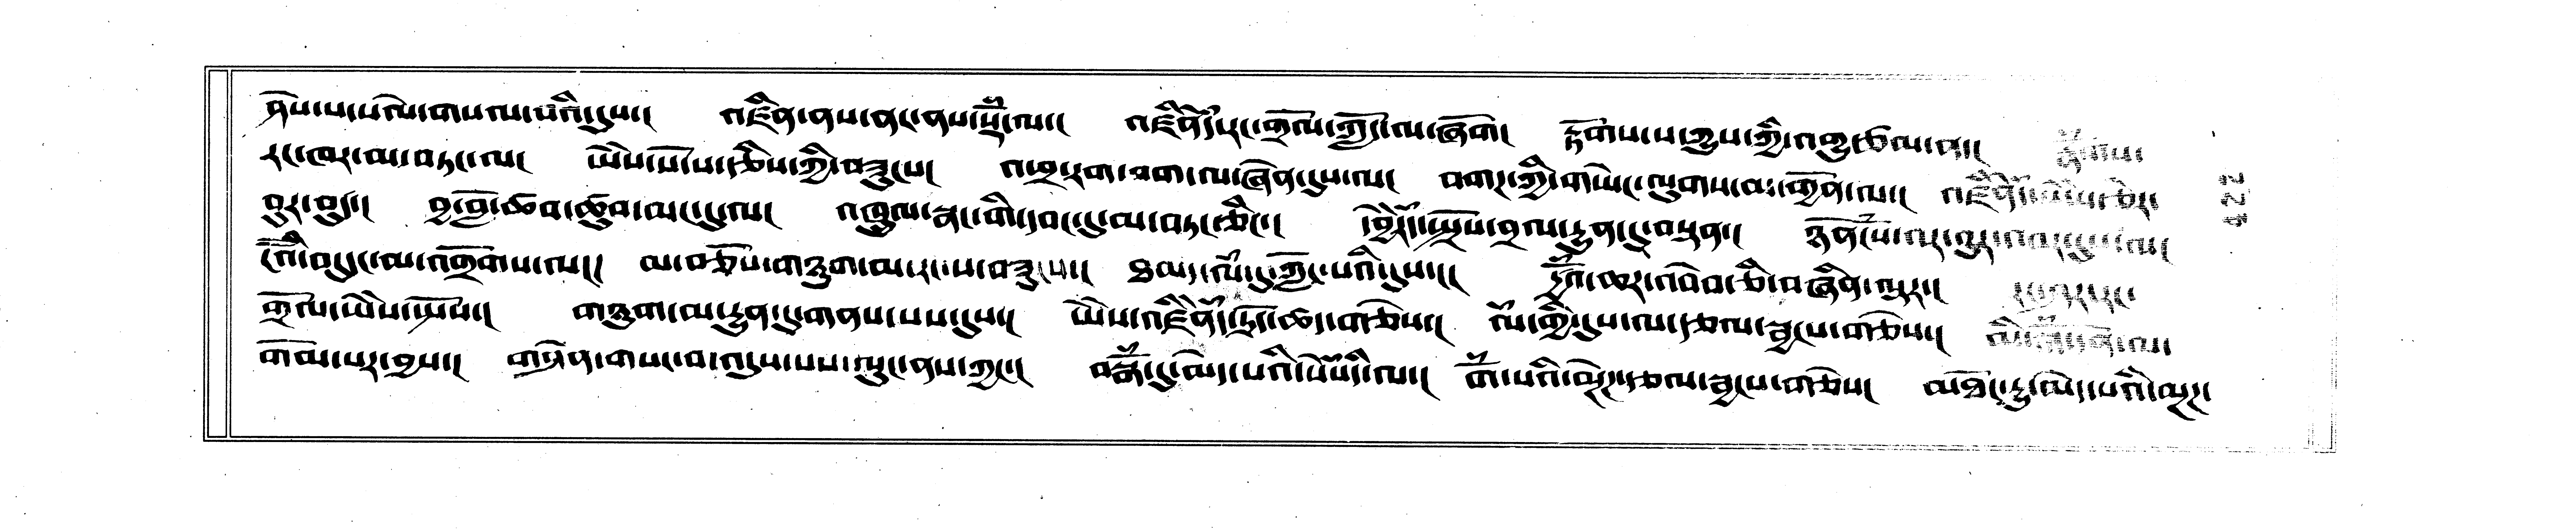ཤེས་པ་སལེ་གསལ་བའི་དུས། འཛིན་པ་ནང་ནས་མ་བསྡམ་ལ། འཛིན་མེད་རང་སར་ཀློད་ལ་ཞོག རྟོག་པ་ཀྱུས་ཀྱི་འགྱུས་ཙམ་ན། རྣམ་རྟོག་
རང་ཁར་མ་བཏང་ལ། ཡེ་ཤེས་སོ་པས་ཅིར་གྱིས་བཟུང་། ཕྲ་རག་བག་ལ་ཞེན་དུས་ལ། བག་ཆགས་ཀྱིས་གཡང་ལུག་མ་གྱོན་ལ། འཛིན་མེད་ཡེ་ཤེས་གཅེར་
བུར་ཕུད། བྱ་བློ་ཚབ་ཚུབ་མང་དུས་ལ། འཁྲུང་སྣང་གིས་དབང་དུ་མི་བཏང་ཅིང་། བྱར་མེད་སྤྲོས་བྲལ་རྒྱུན་དུ་བསྟན། ཉམས་མྱོང་འར་འུར་འབར་དུས་ལ། 
ང་འོ་ཡི་བདུད་དང་མ་འགྲོགས་ལ། མ་བཅོས་གཉུག་མར་རང་སར་ཟུང་། ཐམས་ཅད་ལམ་དུ་སློང་པའི་དུས། རྒྱ་མཚོ་ཆར་འབབ་ཅི་བཞིན་ལྟར། རང་ཤར་རང་
གྲོལ་གྱིས་ཡེ་ཤེས་སྤོར། གཉུག་མ་རྒྱན་དུ་གནས་པའི་དུས། ཡེ་ཤེས་འཛིན་མེད་ཀྱིས་དྲོད་ཚད་གཅེས། ལམ་གྱིས་དུས་ལ་རྩལ་སྦྱོར་གཅེས། མི་བསྒོམ་དོན་ལ་
གོམ་པར་བྱ། གཤེན་ཆེན་གསང་བ་འདུས་པའི་ལུང་ནས་ཀྱང་། བསྒོམ་དུ་མེད་པའི་སེམས་ཉིད་ལ། གོམ་པའི་མེན་ངག་རྩལ་སྦྱངས་གཅེས། མཐོང་རྒྱུ་མེད་པའི་